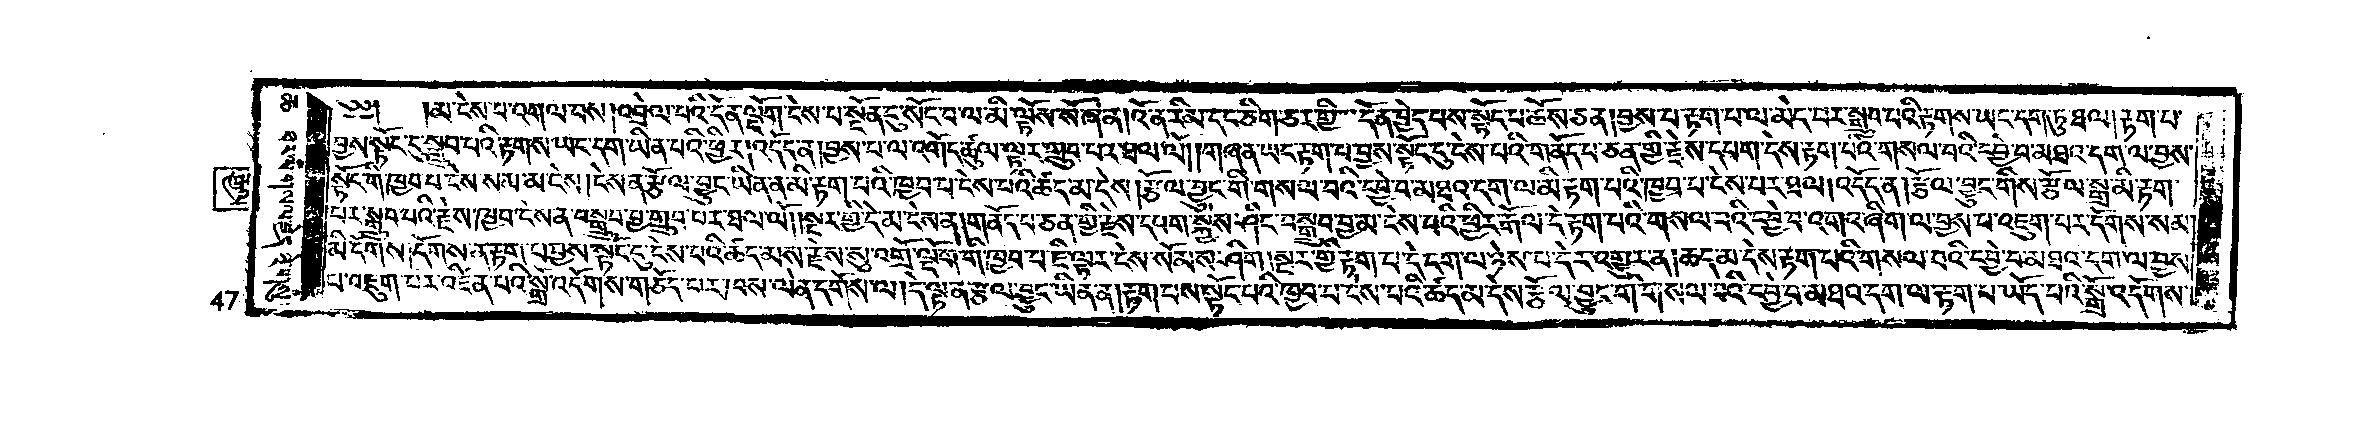༄༅། །མ་ངེས་པ་འགལ་བས། འབྲེལ་པའི་དོན་ལྡོག་ངེས་པ་སྔོན་དུ་སོང་བ་ལ་མི་ལྟོས་སོ་ཞེ་ན། འོ་ན་རིམ་དང་ཅིག་ཅར་གྱི་དོན་བྱེད་པས་སྟོང་པ་ཆོས་ཅན། བྱས་པ་རྟག་པ་ལ་མེད་པར་སྒྲུབ་པའི་རྟགས་ཡང་དག་ཏུ་ཐལ། རྟག་པ་
བྱས་སྟོང་དུ་སྒྲུབ་པའི་རྟགས་ཡང་དག་ཡིན་པའི་ཕྱིར། འདོད་ན། བྱས་པ་ལ་འགོད་ཚུལ་ལྟར་གྲུབ་པར་ཐལ་ལོ། །གཞན་ཡང་རྟག་པ་བྱས་སྟོང་དུ་ངེས་པའི་གནོད་པ་ཅན་གྱི་རྗེས་དཔག་དེས་རྟག་པའི་གསལ་བའི་དབྱེ་བ་མཐའ་དག་ལ་བྱས་
སྟོང་གི་ཁྱབ་པ་ངེས་སམ་མ་ངེས། ངེས་ན་རྩོལ་བྱུང་ཡིན་ན་མི་རྟག་པའི་ཁྱབ་པ་ངེས་པའི་ཚད་མ་ངེས། རྩོལ་བྱུང་གི་གསལ་བའི་དབྱེ་བ་མཐའ་དག་ལ་མི་རྟག་པའི་ཁྱབ་པ་ངེས་པར་ཐལ། འདོད་ན། རྩོལ་བྱུང་གིས་རྩོལ་སྒྲ་མི་རྟག་
པར་སྒྲུབ་པའི་རྗེས་ཁྱབ་ངེས་ན་བསྒྲུབ་བྱ་གྲུབ་པར་ཐལ་ལོ། །སྔར་གྱི་དེ་མ་ངེས་ན། གནོད་པ་ཅན་གྱི་རྗེས་དཔག་སྐྱེས་ཤིང་བསྒྲུབ་བྱ་མ་ངེས་པའི་ཕྱིར་རྒོལ་དེ་རྟག་པའི་གསལ་བའི་དབྱེ་བ་འགའ་ཞིག་ལ་བྱས་པ་འཇུག་པར་དོགས་སམ་
མི་དོགས། དོགས་ན་རྟག་པ་བྱས་སྟོང་དུ་ངེས་པའི་ཚད་མས་རྗེས་སུ་འགྲོ་ལྡོག་གི་ཁྱབ་པ་ཇི་ལྟར་ངེས་སྨོས་ཤིག །སྔར་གྱི་རྟག་པ་དེ་དག་ལ་ཉེས་པ་དེར་འགྱུར་ན། ཚད་མ་དེས་རྟག་པའི་གསལ་བའི་དབྱེ་བ་མཐའ་དག་ལ་བྱས་
པ་འཇུག་པར་འཛིན་པའི་སྒྲོ་འདོགས་གཅོད་པར་ཁས་ལེན་དགོས་ལ། དེ་ལྟ་ན་རྩལ་བྱུང་ཡིན་ན། རྟག་པས་སྟོང་པའི་ཁྱབ་པ་ངེས་པའི་ཚད་མ་དེས་རྩོལ་བྱུང་གི་གསལ་བའི་དབྱེ་བ་མཐའ་དག་ལ་རྟག་པ་ཡོད་པའི་སྒྲོ་འདོགས་